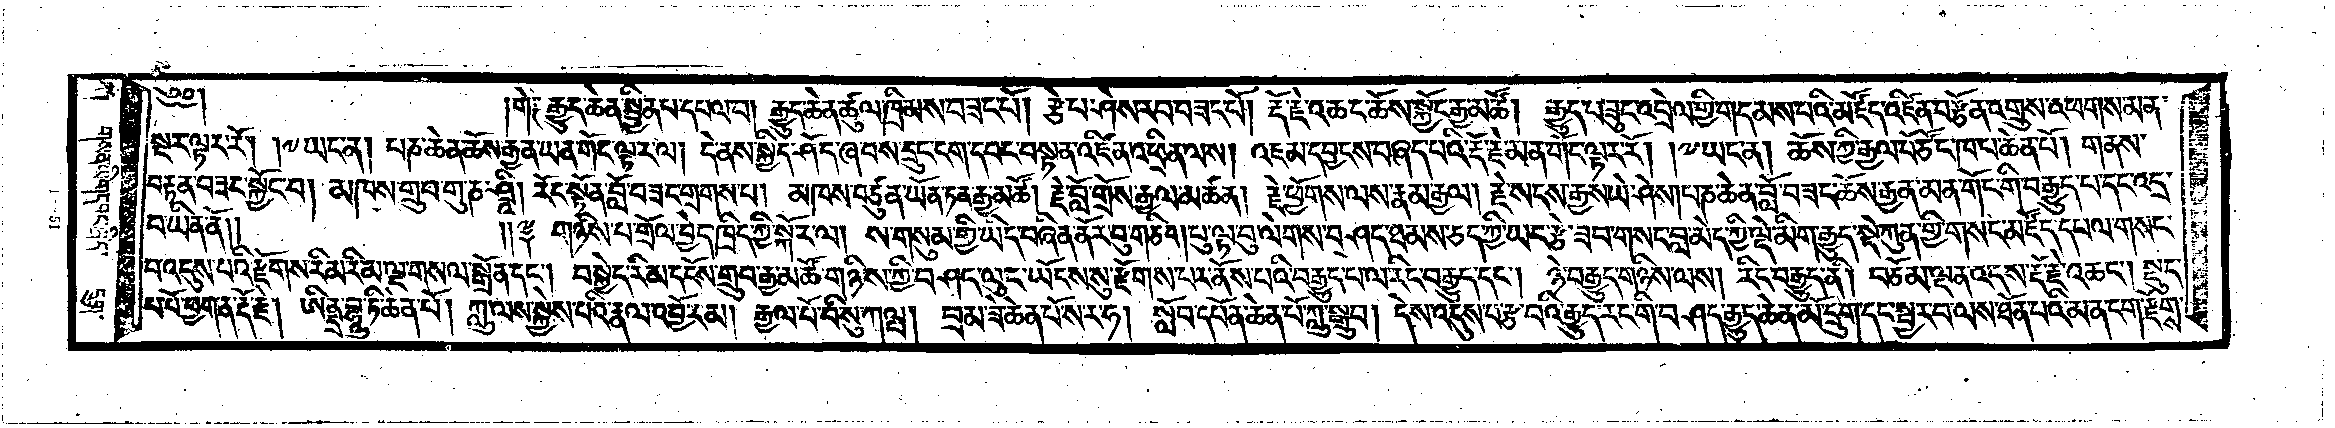༄༅། །གེ༑ རྒྱུད་ཆེན་སྦྱིན་པ་དཔལ་བ། རྒྱུད་ཆེན་ཚུལ་ཁྲིམས་བཟང་པོ། རྩེ་བ་ཤེས་རབ་བཟང་པོ། རྡོ་རྗེ་འཆང་ཆོས་སྐྱོང་རྒྱ་མཚོ། རྒྱུད་པ་ཟུང་འབྲེལ་གྱི་གདམས་པའི་མཛོད་འཛིན་བརྩོན་འགྲུས་འཕགས་མ་ནས་
སྔར་ལྟར་རོ། །༧་ཡང་ན། པཎ་ཆེན་ཆོས་རྒྱན་ཡན་གོང་ལྟར་ལ། དེ་ནས་སྐྱིད་ཤོད་ཞབས་དྲུང་ངག་དབང་བསྟན་འཛིན་འཕྲིན་ལས། འཇམ་དབྱངས་བཞད་པའི་རྡོ་རྗེ་མན་གོང་ལྟར་རོ། །༧་ཡང་ན། ཆོས་ཀྱི་རྒྱལ་པོ་ཙོང་ཁ་པ་ཆེན་པོ། གནས་
བརྟན་བཟང་སྐྱོང་བ། མཁས་གྲུབ་གུ་ཎ་ཤྲཱི། རོང་སྟོན་བློ་བཟང་གྲགས་པ། མཁས་བཙུན་ཡོན་ཏན་རྒྱ་མཚོ། རྗེ་བློ་གྲོས་རྒྱལ་མཚན། རྗེ་ཕྱོགས་ལས་རྣམ་རྒྱལ། རྗེ་སངས་རྒྱས་ཡེ་ཤེས། པཎ་ཆེན་བློ་བཟང་ཆོས་རྒྱན་མན་གོང་གི་བརྒྱུད་པ་དང་འདྲ་
བ་ཡིན་ནོ།། །། ༈ གཉིས་པ་གྲོལ་བྱེད་ཁྲིད་ཀྱི་སྐོར་ལ། ས་གསུམ་གྱི་ཡིད་བཞིན་ནོར་བུ་གཅིག་པུ་ལྟ་བུ་ལེགས་བཤད་ཐམས་ཅད་ཀྱི་ཡང་རྩེ་ཟབ་གསང་བླ་མེད་ཀྱི་ལྡེ་མིག་རྒྱུད་སྡེ་ཀུན་གྱི་གསང་མཛོད་དཔལ་གསང་
བ་འདུས་པའི་རྫོགས་རིམ་ལྔ་གསལ་སྒྲོན་དང་། བསྐྱེད་རིམ་དངོས་གྲུབ་རྒྱ་མཚོ་གཉིས་ཀྱི་བཤད་ལུང་ཡོངས་སུ་རྫོགས་པར་ནོས་པའི་བརྒྱུད་པ་ལ་རིང་བརྒྱུད་དང་། ཉེ་བརྒྱུད་གཉིས་ལས། རིང་བརྒྱུད་ནི། བཅོམ་ལྡན་འདས་རྡོ་རྗེ་འཆང་། སྡུད་
པ་པོ་ཕྱག་ན་རྡོ་རྗེ། ཨིནྡྲ་བྷུ་ཏི་ཆེན་པོ། ཀླུ་ལས་སྐྱེས་པའི་རྣལ་འབྱོར་མ། རྒྱལ་པོ་བི་སུ་ཀལྤ། བྲམ་ཟེ་ཆེན་པོ་ས་ར་ཧམ། སློབ་དཔོན་ཆེན་པོ་ཀླུ་སྒྲུབ། དེས་འདུས་པ་རྩ་བའི་རྒྱུད་རང་གི་བཤད་རྒྱུད་ཆེན་མོ་དྲུག་དང་སྦྱར་བ་ལས་ཐོན་པའི་མན་ངག་རྫོགས་